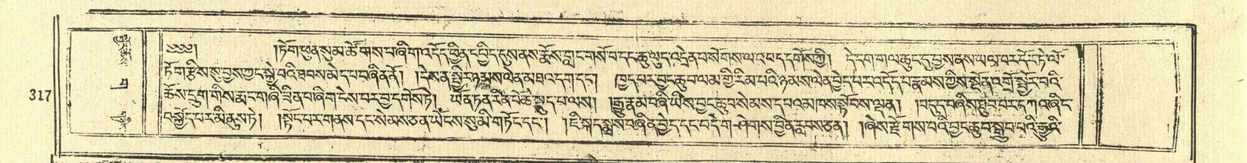༄༅༅། །ཏོག་ཕུན་སུམ་ཚོགས་པ་ཞིག་འདོད་ཕྱིན་དཔྱིད་དུས་ནས་རྨོས་གླང་གསོ་བ་དང་ཆུ་ལུད་འདྲེན་པ་སོགས་ལ་འབད་དགོས་ཀྱི། དེ་དག་གལ་ཆུང་དུ་བྱས་ནས་ཡལ་བར་དོར་ཏེ་ལོ་
ཏོག་རྩིས་སུ་བྱས་ཀྱང་སྐྱེ་བའི་ཐབས་མེད་པ་བཞིན་ནོ། །དེས་ན་སྤྱིར་ཉམས་ལེན་མཐའ་དག་དང་། ཁྱད་པར་བྱང་ཆུབ་ལམ་གྱི་རིམ་པའི་ཉམས་ལེན་བྱེད་པར་འདོད་པ་རྣམས་ཀྱིས་སྔོན་འགྲོ་སྦྱོར་བའི་
ཆོས་དྲུག་གིས་རྨང་གཞི་ཟིན་བ་ཞིག་ངེས་པར་བྱ་དགོས་ཏེ། ཡོན་ཏན་རིན་པོ་ཆེ་སྡུད་པ་ལས། །རྒྱུ་རྣམ་བཞི་ཡིས་བྱང་ཆུབ་སེམས་དཔའ་མཁས་སྟོབས་ལྡན། །བདུད་བཞིས་ཐུབ་པར་དཀའ་ཞིང་
བསྐྱོད་པར་མི་ནུས་ཏེ། །སྟོང་པར་གནས་དང་སེམས་ཅན་ཡོངས་སུ་མི་གཏོང་དང་། །ཇི་སྐད་སྨྲས་བཞིན་བྱེད་དང་བདེ་གཤེགས་བྱིན་རླབས་ཅན། །ཞེས་རྫོགས་པའི་བྱང་ཆུབ་སྒྲུབ་པའི་རྒྱུའི་